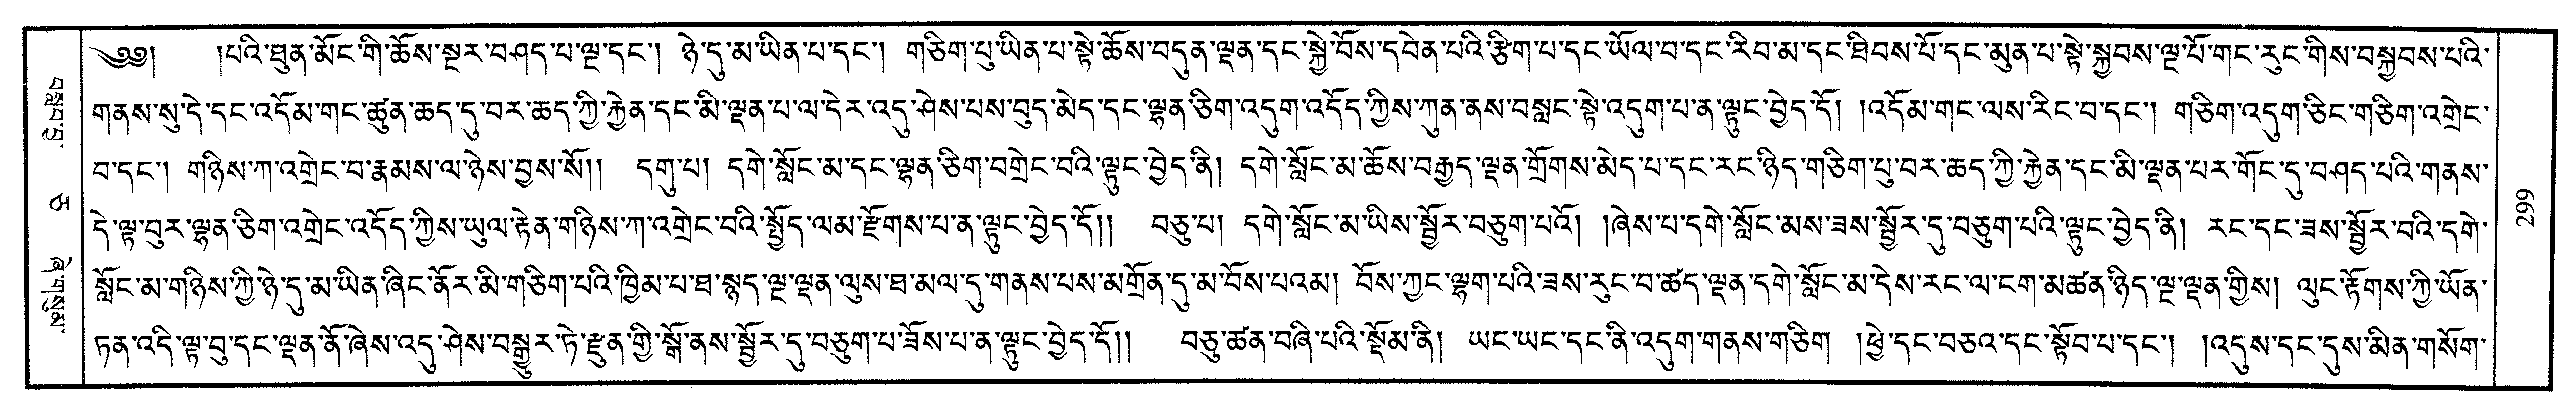༄༅། །པའི་ཐུན་མོང་གི་ཆོས་སྔར་བཤད་པ་ལྔ་དང་། ཉེ་དུ་མ་ཡིན་པ་དང་། གཅིག་པུ་ཡིན་པ་སྟེ་ཆོས་བདུན་ལྡན་དང་སྐྱེ་བོས་དབེན་པའི་རྩིག་པ་དང་ཡོལ་བ་དང་རིབ་མ་དང་ཐིབས་པོ་དང་མུན་པ་སྟེ་སྐྱབས་ལྔ་པོ་གང་རུང་གིས་བསྐྱབས་པའི་
གནས་སུ་དེ་དང་འདོམ་གང་ཚུན་ཆད་དུ་བར་ཆད་ཀྱི་རྐྱེན་དང་མི་ལྡན་པ་ལ་དེར་འདུ་ཤེས་པས་བུད་མེད་དང་ལྷན་ཅིག་འདུག་འདོད་ཀྱིས་ཀུན་ནས་བསླང་སྟེ་འདུག་པ་ན་ལྟུང་བྱེད་དོ། །འདོམ་གང་ལས་རིང་བ་དང་། གཅིག་འདུག་ཅིང་གཅིག་འགྲེང་
བ་དང་། གཉིས་ཀ་འགྲེང་བ་རྣམས་ལ་ཉེས་བྱས་སོ།། དགུ་པ། དགེ་སློང་མ་དང་ལྷན་ཅིག་བགྲེང་བའི་ལྟུང་བྱེད་ནི། དགེ་སློང་མ་ཆོས་བརྒྱད་ལྡན་གྲོགས་མེད་པ་དང་རང་ཉིད་གཅིག་པུ་བར་ཆད་ཀྱི་རྐྱེན་དང་མི་ལྡན་པར་གོང་དུ་བཤད་པའི་གནས་
དེ་ལྟ་བུར་ལྷན་ཅིག་འགྲེང་འདོད་ཀྱིས་ཡུལ་རྟེན་གཉིས་ཀ་འགྲེང་བའི་སྤྱོད་ལམ་རྫོགས་པ་ན་ལྟུང་བྱེད་དོ།། བཅུ་པ། དགེ་སློང་མ་ཡིས་སྦྱོར་བཅུག་པའོ། །ཞེས་པ་དགེ་སློང་མས་ཟས་སྦྱོར་དུ་བཅུག་པའི་ལྟུང་བྱེད་ནི། རང་དང་ཟས་སྦྱོར་བའི་དགེ་
སློང་མ་གཉིས་ཀྱི་ཉེ་དུ་མ་ཡིན་ཞིང་ནོར་མི་གཅིག་པའི་ཁྱིམ་པ་ཐ་སྙད་ལྔ་ལྡན་ལུས་ཐ་མལ་དུ་གནས་པས་མགྲོན་དུ་མ་བོས་པའམ། བོས་ཀྱང་ལྷག་པའི་ཟས་རུང་བ་ཚད་ལྡན་དགེ་སློང་མ་དེས་རང་ལ་ངག་མཚན་ཉིད་ལྔ་ལྡན་གྱིས། ལུང་རྟོགས་ཀྱི་ཡོན་
ཏན་འདི་ལྟ་བུ་དང་ལྡན་ནོ་ཞེས་འདུ་ཤེས་བསྒྱུར་ཏེ་རྫུན་གྱི་སྒོ་ནས་སྦྱོར་དུ་བཅུག་པ་ཟོས་པ་ན་ལྟུང་བྱེད་དོ།། བཅུ་ཚན་བཞི་པའི་སྡོམ་ནི། ཡང་ཡང་དང་ནི་འདུག་གནས་གཅིག །ཕྱེ་དང་བཅའ་དང་སྟོབ་པ་དང་། །འདུས་དང་དུས་མིན་གསོག་